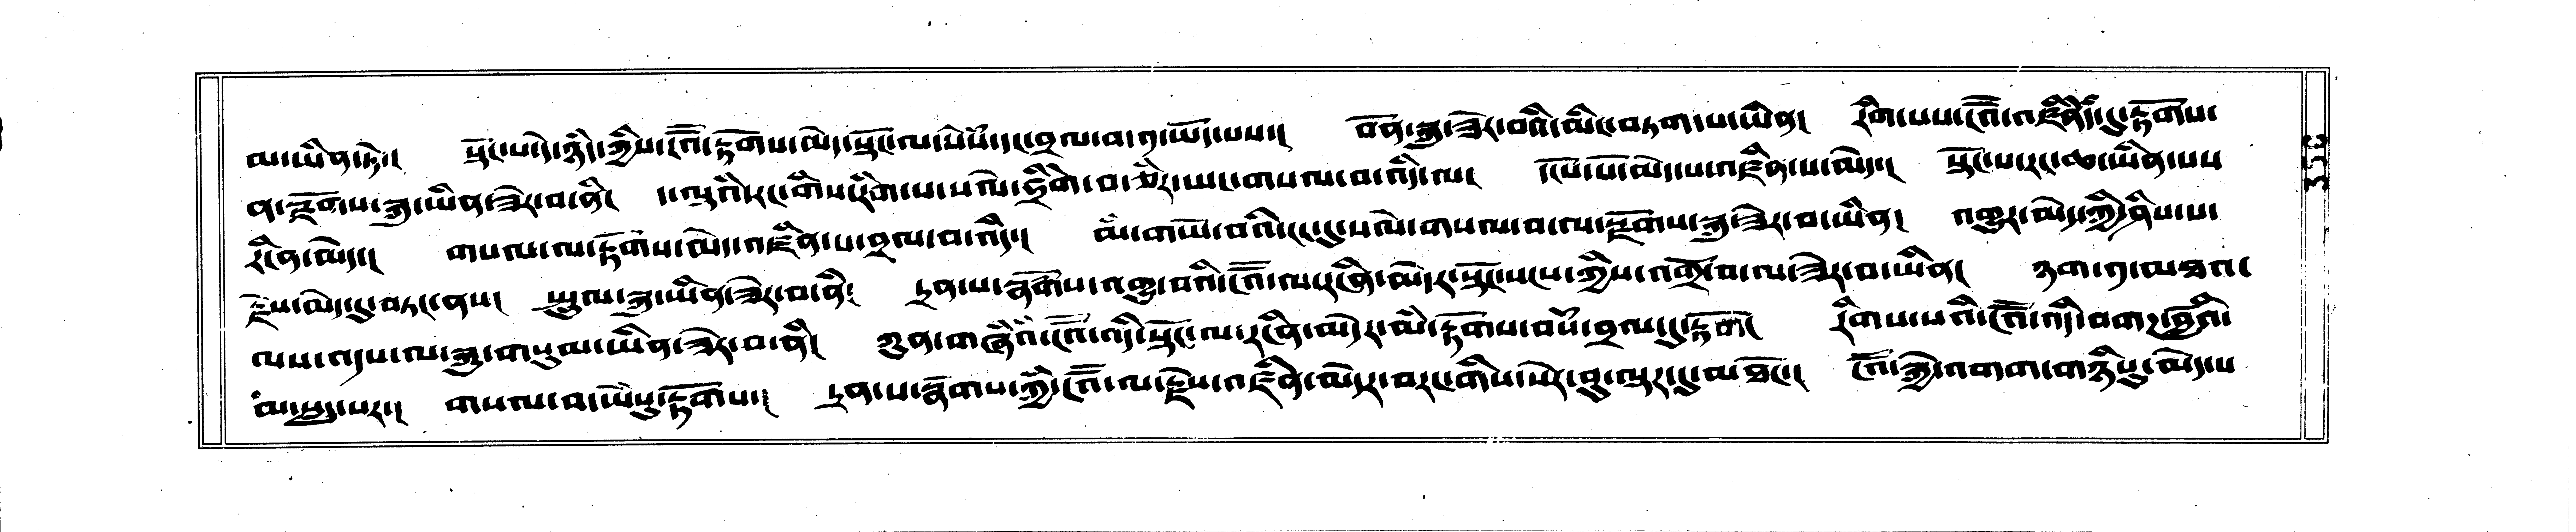ཡིན་ཏེ། སྟོང་པ་དེ་ཉིད་ཀྱི་ངོའོ་རྟོག་མེད་སྟོང་པ་བསམ་བློ་དང་བྲལ་བ་ཅིག་ཡོད་པ་ལ་བོན་སྐུའི་༼སྐུ༽ཟེར་བའི་མིང་བཏག་པ་ཡིན། རིག་པའི་ངོའོ་འཛིན་མེད་དུ་རྟོགས་
ན་རྫོགས་སྐུ་ཡིན་ཟེར་བ་ནི། ད་ལྟ་རང་གིས་རིག་པ་སལེ་ཧྲིག་གེ་ཅིར་ཡང་གསལ་བ་འདི་ལས། དངོས་པོ་མེད་པ་འཛིན་པ་ལ། སྟོང་པ་རང་ཆས་ཡིན་པས་
འཛིན་པ་མེད། གསལ་ལ་རྟོག་མེད་འཛིན་བྲལ་འདི། མི་གཡོ་བའི་ངང་དུ་སལེ་གསལ་བ་རྫོགས་སྐུ་ཟེར་བ་ཡིན། འགྱུ་བྱེད་ཀྱིས་ཤེས་པ་
རྗེས་མེད་དུ་བཏང་ན་སྤྲུལ་སྐུ་ཡིན་ཟེར་བ་ནི། དྲན་པ་སྣ་ཚོགས་འགྱུ་བའི་ངོའོ་ལ་རང་བཞིན་མེད་པར་སྟོང་སངས་ཀྱིས་འགྲོ་བ་ལ་ཟེར་བ་ཡིན། ཉག་ཅིག་མཐའ་
ལ་འདས་ན་སྐུ་གསུམ་ཡིན་ཟེར་བ་ནི། ཀུན་གཞིའི་ངོའོ་འདི་སྟོང་ལ་རང་བཞིན་མེད་པར་བསམ་བྲལ་དུ་རྟོགས། རིག་པའི་ངོའོ་འདི་ལ་བག་ཆགས་བློའི་
མ་བསླད་པར་གསལ་བ་འཛིན་མེད་དུ་རྟོགས། དྲན་པ་སྣ་ཚོགས་ཀྱིས་ངོའོ་ལ་རྗེས་འཛིན་མེད་པར་བར་སྣང་གིས་སེར་བུ་ལྟར་དུ་མཐོང་། ངོའོ་སྐྱེ་འགག་གཉིས་སུ་མེད་པ་